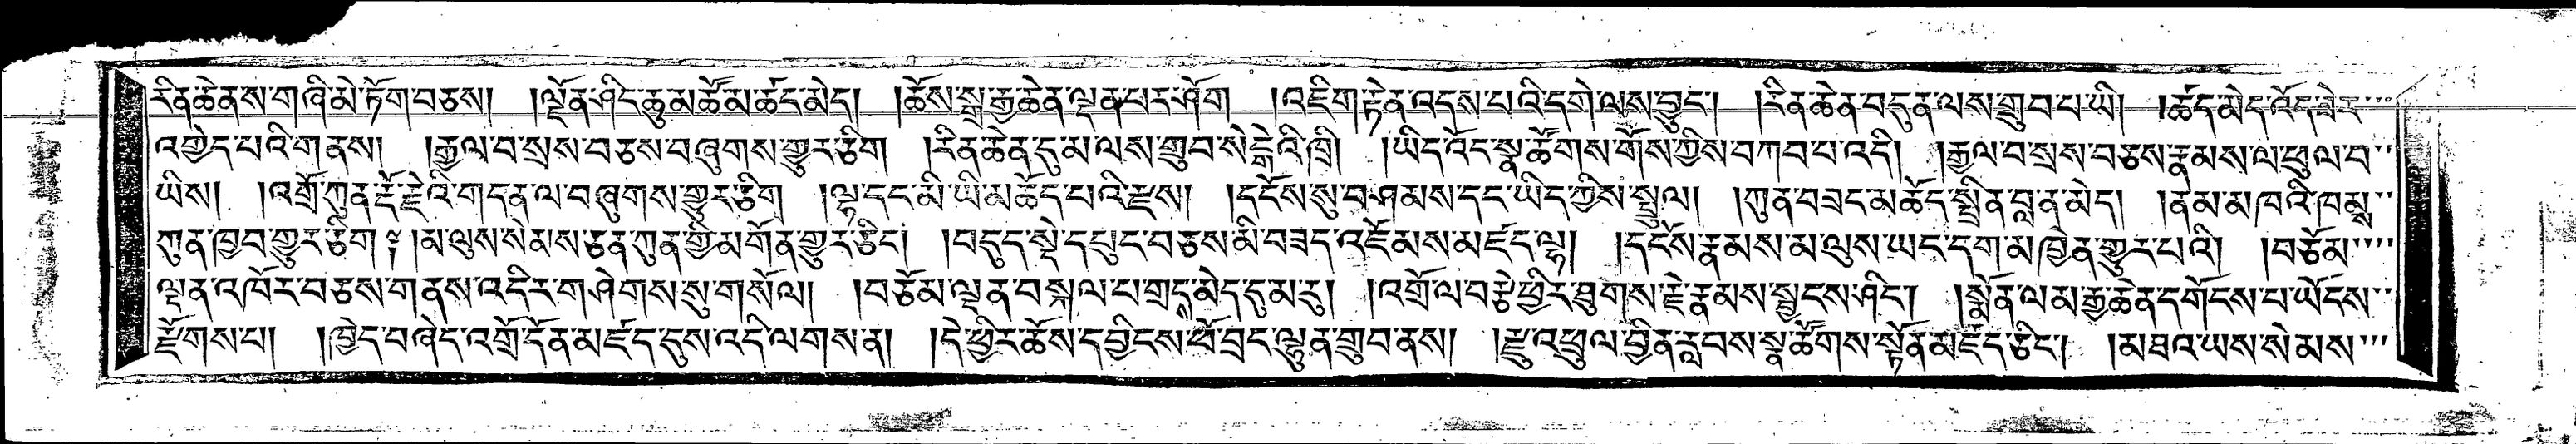རིན་ཆེན་ས་གཞི་མེ་ཏོག་བཅས། །ལྗོན་ཤིང་ཆུ་མཚོ་མ་ཚང་མེད། །ཆོས་སྒྲ་རྒྱ་ཆེན་ལྡན་པར་ཤོག །འཇིག་རྟེན་འདས་པའི་དགེ་ལས་བྱུང་། །རིན་ཆེན་བདུན་ལས་གྲུབ་པ་ཡི། །ཚད་མེད་འོད་ཟེར་
འགྱེད་པའི་གནས། །རྒྱལ་བ་སྲས་བཅས་བཞུགས་གྱུར་ཅིག །རིན་ཆེན་དུ་མ་ལས་གྲུབ་སེངྒེའི་ཁྲི། །ཡིད་འོང་སྣ་ཚོགས་གོས་ཀྱིས་བཀབ་པ་འདི། །རྒྱལ་བ་སྲས་བཅས་རྣམས་ལ་ཕུལ་བ་
ཡིས། །འགྲོ་ཀུན་རྡོ་རྗེའི་གདན་ལ་བཞུགས་གྱུར་ཅིག །ལྷ་དང་མི་ཡི་མཆོད་པའི་རྫས། །དངོས་སུ་བཤམས་དང་ཡིད་ཀྱིས་སྤྲུལ། །ཀུན་བཟང་མཆོད་སྤྲིན་བླ་ན་མེད། །ནམ་མཁའི་ཁམས་
ཀུན་ཁྱབ་གྱུར་ཅིག ༈ །མ་ལུས་སེམས་ཅན་ཀུན་གྱི་མགོན་གྱུར་ཅིང་། །བདུད་སྡེ་དཔུང་བཅས་མི་བཟད་འཇོམས་མཛད་ལྷ། །དངོས་རྣམས་མ་ལུས་ཡང་དག་མཁྱེན་གྱུར་པའི། །བཅོམ་
ལྡན་འཁོར་བཅས་གནས་འདིར་གཤེགས་སུ་གསོལ། །བཅོམ་ལྡན་བསྐལ་བ་གྲངས་མེད་དུ་མ་རུ། །འགྲོ་ལ་བརྩེ་ཕྱིར་ཐུགས་རྗེ་རྣམས་སྦྱངས་ཤིང་། །སྨོན་ལམ་རྒྱ་ཆེན་དགོངས་པ་ཡོངས་
རྫོགས་པ། །ཁྱེད་བཞེད་འགྲོ་དོན་མཛད་དུས་འདི་ལགས་ན། །དེ་ཕྱིར་ཆོས་དབྱིངས་ཕོ་བྲང་ལྷུན་གྲུབ་ནས། །རྫུ་འཕྲུལ་བྱིན་རླབས་སྣ་ཚོགས་སྟོན་མཛད་ཅིང་། །མཐའ་ཡས་སེམས་